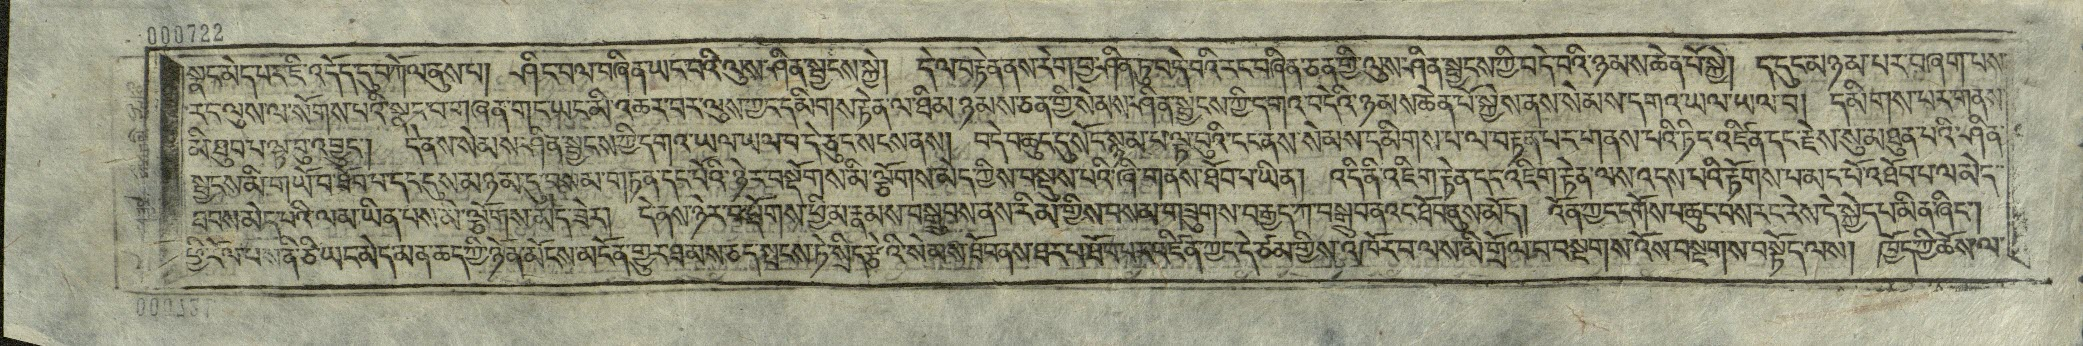སྣང་མེད་པར་ཇི་འདོད་དུ་བཀོལ་ནུས་པ། ཤིང་བལ་བཞིན་ཡང་བའི་ལུས་ཤིན་སྦྱངས་སྐྱེ། དེ་ལ་བརྟེན་ནས་རེག་བྱ་ཤིན་ཏུ་བདེ་བའི་རང་བཞིན་ཅན་གྱི་ལུས་ཤིན་སྦྱངས་ཀྱི་བདེ་བའི་ཉམས་ཆེན་པོ་སྐྱེ། ད་དུང་མཉམ་པར་བཞག་པས་
རང་ལུས་ལ་སོགས་པའི་སྣང་བ་གཞན་གང་ཡང་མི་འཆར་བར་ལུས་ཀྱང་དམིགས་རྟེན་ལ་ཐིམ་ཉམས་ཅན་གྱི་སེམས་ཤིན་སྦྱངས་ཀྱི་དགའ་བདེའི་ཉམས་ཆེན་པོ་སྐྱེས་ནས་སེམས་དགའ་ཡལ་ཡལ་བ། དམིགས་པར་གནས་
མི་ཐུབ་པ་ལྟ་བུ་འབྱུང་། དེ་ནས་སེམས་ཤིན་སྦྱངས་ཀྱི་དགའ་ཡལ་ཡལ་བ་དེ་ཅུང་སངས་ནས། བདེ་བ་ཆུང་དུ་སོང་སྙམ་པ་ལྟ་བུའི་ངང་ནས་སེམས་དམིགས་པ་ལ་བརྟན་པར་གནས་པའི་ཏིང་འཛིན་དང་རྗེས་སུ་མཐུན་པའི་ཤིན་
སྦྱངས་མི་གཡོ་བ་ཐོབ་པ་དང་དུས་མཉམ་དུ་བསམ་གཏན་དང་པོའི་ཉེར་བསྡོགས་མི་ལྕོགས་མེད་ཀྱིས་བསྡུས་པའི་ཞི་གནས་ཐོབ་པ་ཡིན། འདི་ནི་འཇིག་རྟེན་དང་འཇིག་རྟེན་ལས་འདས་པའི་རྟོགས་པ་མང་པོ་འཐོབ་པ་ལ་མེད་
ཐབས་མེད་པའི་ལམ་ཡིན་པས་མི་ལྕོགས་མེད་ཟེར། དེ་ནས་ཉེར་བསྡོགས་ཕྱི་མ་རྣམས་བསྒྲུབས་ནས་རིམ་གྱིས་བསམ་གཟུགས་བརྒྱད་ཀ་བསྒྲུབ་ནའང་ཐོབ་ནུས་མོད། འོན་ཀྱང་དགོས་པ་ཆུང་བས་རང་རེས་དེ་སྐྱེད་པ་མིན་ཞིང་།
ཕྱི་རོལ་པས་ནི་ཅི་ཡང་མེད་མན་ཆད་ཀྱི་ཉོན་མོངས་མངོན་གྱུར་ཐམས་ཅད་སྤངས་ཏེ་སྲིད་རྩེའི་སེམས་ཐོབ་ནས་ཐར་པ་ཐོབ་པར་འཛིན་ཀྱང་དེ་ཙམ་གྱིས་འཁོར་བ་ལས་མི་གྲོལ་བ་བསྔགས་འོས་བསྔགས་བསྟོད་ལས། ཁྱོད་ཀྱི་ཆོས་ལ་